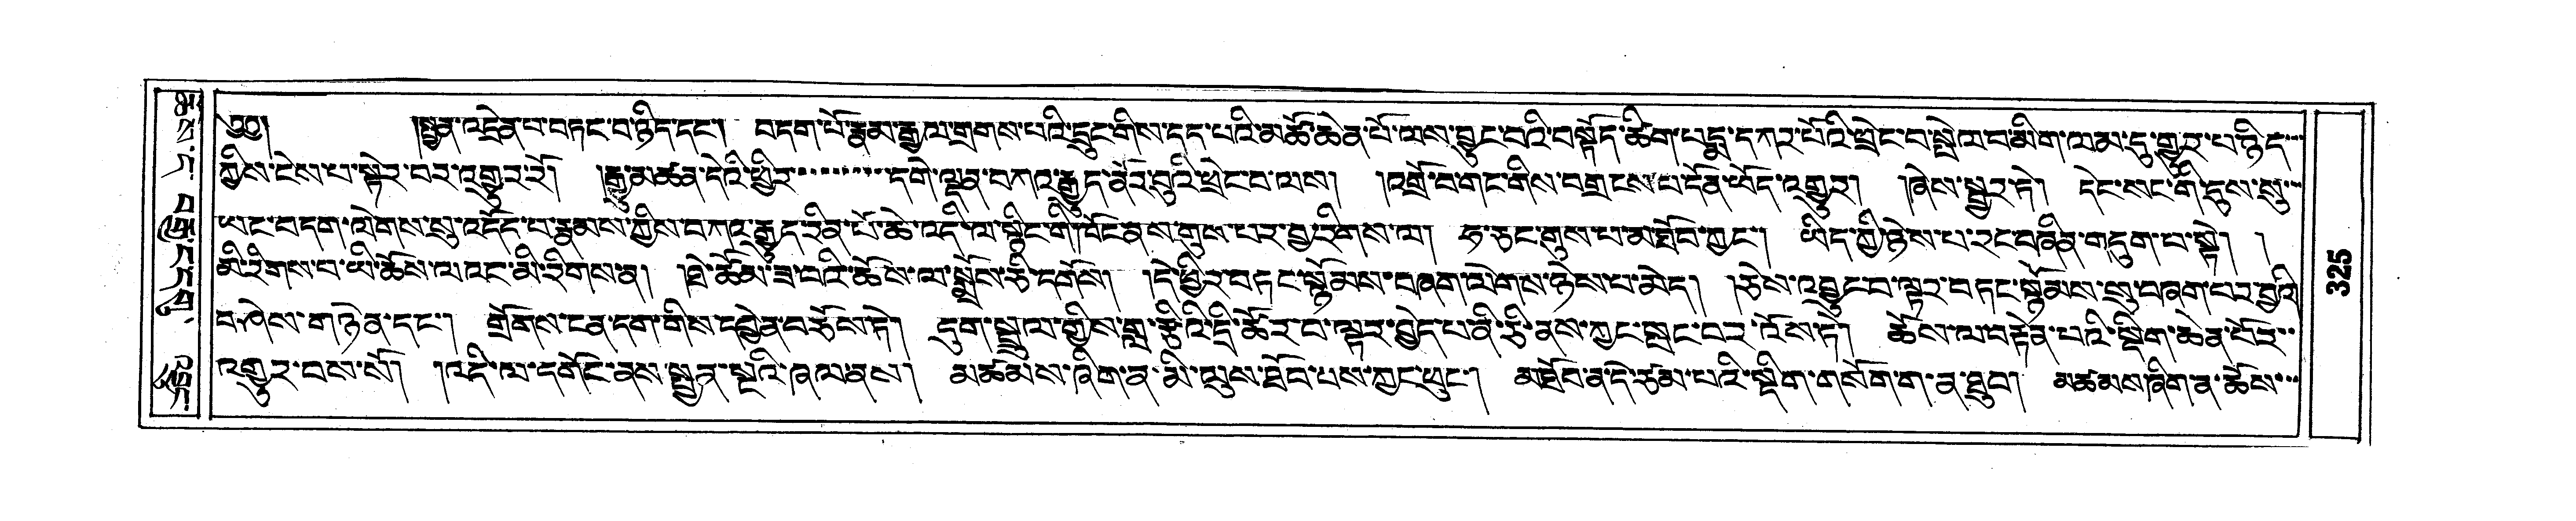༄༅། །སྤྱན་འདྲེན་པ་བཏང་བ་ཉིད་དང་། བདག་པོ་རྣམ་རྒྱལ་གྲགས་པའི་དྲུང་གིས་དད་པའི་མཚོ་ཆེན་པོ་ལས་བྱུང་བའི་བསྟོད་ཚིག་པདམ་དཀར་པོའི་ཕྲེང་བ་སྤེལ་བ་མིག་ལམ་དུ་གྱུར་པ་ཉིད་
ཀྱིས་ངེས་པ་སྟེར་བར་འགྱུར་རོ། །རྒྱུ་མཚན་དེའི་ཕྱིར་དགེ་ལྡན་བཀའ་རྒྱུད་ནོར་བུའི་ཕྲེང་བ་ལས། །འགྲོ་བ་གང་གིས་བགྲངས་པ་དོན་ཡོད་འགྱུར། །ཞེས་སྦྱར་ཏེ། དེང་སང་གི་དུས་སུ་
ཡང་བདག་ལེགས་སུ་འདོད་པ་རྣམས་ཀྱིས་བཀའ་རྒྱུད་རིན་པོ་ཆེ་འདི་ལ་སྙིང་གི་ཁོང་ནས་གུས་པར་བྱ་རིགས་ལ། ཧ་ཅང་གུས་པ་མ་ཐོབ་ཀྱང་། ཡིད་ཀྱི་ཉེས་པ་རང་བཞིན་གདུག་པ་སྟེ། །
མི་རིགས་པ་ཡི་ཆོས་ལའང་མི་རིགས་ན། །ཐེ་ཚོམ་ཟ་པའི་ཆོས་ལ་སྨྲོས་ཅི་དགོས། །དེ་ཕྱིར་བཏང་སྙོམས་བཞག་ལེགས་ཉེས་པ་མེད། །ཅེས་འབྱུང་བ་ལྟར་བཏང་སྙོམས་སུ་བཞག་པར་བྱའི་
བཤེས་གཉེན་དང་། གྲོགས་ངན་དག་གིས་དབྱེན་བཅོས་ཏེ། དུག་སྤྲུལ་གྱིས་གླ་རྩིའི་དྲི་ཚོར་བ་ལྟར་བྱེད་པ་ནི་ཅི་ནས་ཀྱང་སྤངས་པར་འོས་ཏེ། ཆོས་ལ་བརྟེན་པའི་སྡིག་ཆེན་པོར་
འགྱུར་བས་སོ། །འདི་ལ་དགོང་ནས་སྤྱན་སྔའི་ཞལ་ནས། མཚམས་ཞིག་ན་མི་ལུས་ཐོབ་པས་ཀྱང་ཕུང་། མ་ཐོབ་ན་དེ་ཙམ་པའི་སྡིག་གསོག་ག་ན་ཐུབ། མཚམས་ཞིག་ན་ཆོས་